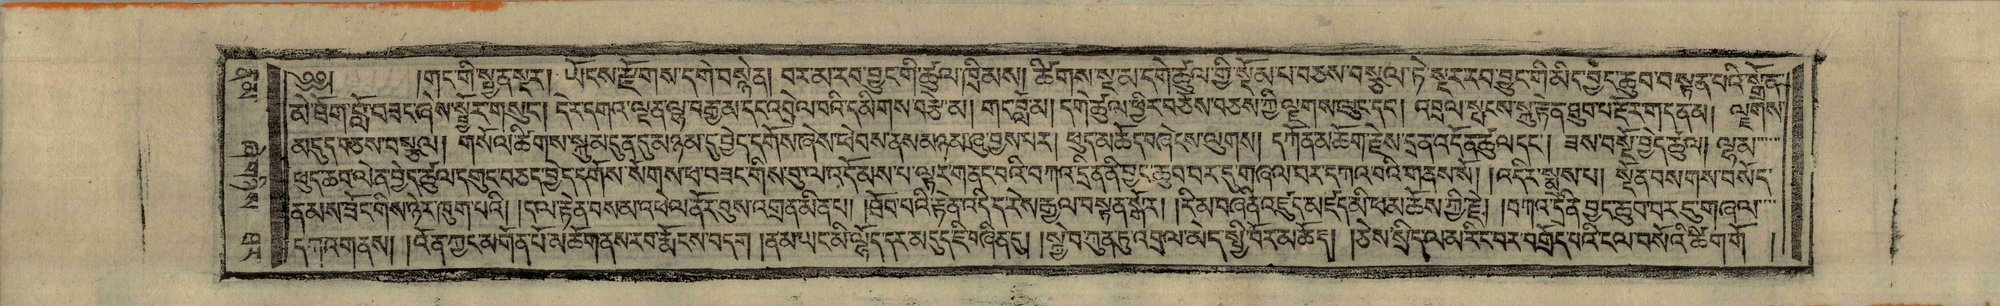༄༅། །གང་གི་སྤྱན་སྔར། ཡོངས་རྫོགས་དགེ་བསྙེན། བར་མ་རབ་བྱུང་གི་ཚུལ་ཁྲིམས། ཚིགས་སྔ་མ་དགེ་ཚུལ་གྱི་སྡོམ་པ་བཅས་བསྩལ་ཏེ་སྔར་རབ་བྱུང་གི་མིང་བྱང་ཆུབ་བསྟན་པའི་སྒྲོན་
མེ་ཐོག་བློ་བཟང་ཞེས་སྦྱོར་གསུང་། དེར་དགའ་ལྡན་ལྷ་བརྒྱ་མ་དང་འབྲེལ་བའི་དམིགས་བརྩེ་མ། གང་བློ་མ། དགེ་ཚུལ་ཕྱིར་བཅོས་བཅས་ཀྱི་ལྗགས་ལུང་དང་། འབྲལ་སྤངས་སྐུ་རྟེན་ཐུབ་པ་རྡོར་གདན་མ། ལྗགས་
མདུད་བཅས་བསྩལ། གསོལ་ཚིགས་སྐུ་མདུན་དུ་མཉམ་དུ་བྱེད་དགོས་ཞེས་ཕེབས་ནས་མཉམ་ཞུ་བྱས་པར། ཕུད་མཆོད་བཞེངས་ལུགས། དཀོན་མཆོག་རྗེས་དྲན་འདོན་ཚུལ་དང་། ཟས་བསྔོ་བྱེད་ཚུལ། ལྷམ་
ཕུད་ཆབ་ལེན་བྱེད་ཚུལ་དགུང་བཅད་བྱེད་དགོས་སོགས་ཕ་བཟང་གིས་བུ་ལ་འདོམས་པ་ལྟར་གནང་བའི་བཀའ་དྲིན་ནི་བྱང་ཆུབ་བར་དུ་གཞལ་བར་དཀའ་བའི་གནས་སོ། །འདིར་སྨྲས་པ། སྔོན་བསགས་བསོད་
ནམས་ཟོང་གིས་ཉེར་ཁུག་པའི། །དལ་རྟེན་བསམ་འཕེལ་ནོར་བུས་འགྲན་མིན་པ། །ཐོབ་པའི་རྟེན་འདི་ད་རེས་རྒྱལ་བསྟན་སྒོར། །རིམ་བཞིན་འཛུད་མཛད་མི་ཕམ་ཆོས་ཀྱི་རྗེ། །བཀའ་དྲིན་བྱང་ཆུབ་བར་དུ་གཞལ་
དཀའ་གནས། །འོན་ཀྱང་མགོན་པོ་མཆོག་ནས་རབ་རྨོངས་བདག །ནམ་ཡང་མི་ལྷོད་དར་མདུད་ཇི་བཞིན་དུ། །སྐྱེ་བ་ཀུན་ཏུ་འབྲལ་མེད་སྤྱི་བོར་མཆོད། །ཅེས་སྲིད་ལམ་རིང་བར་བགྲོད་པའི་ངལ་བསོའི་ཚིག་གོ །